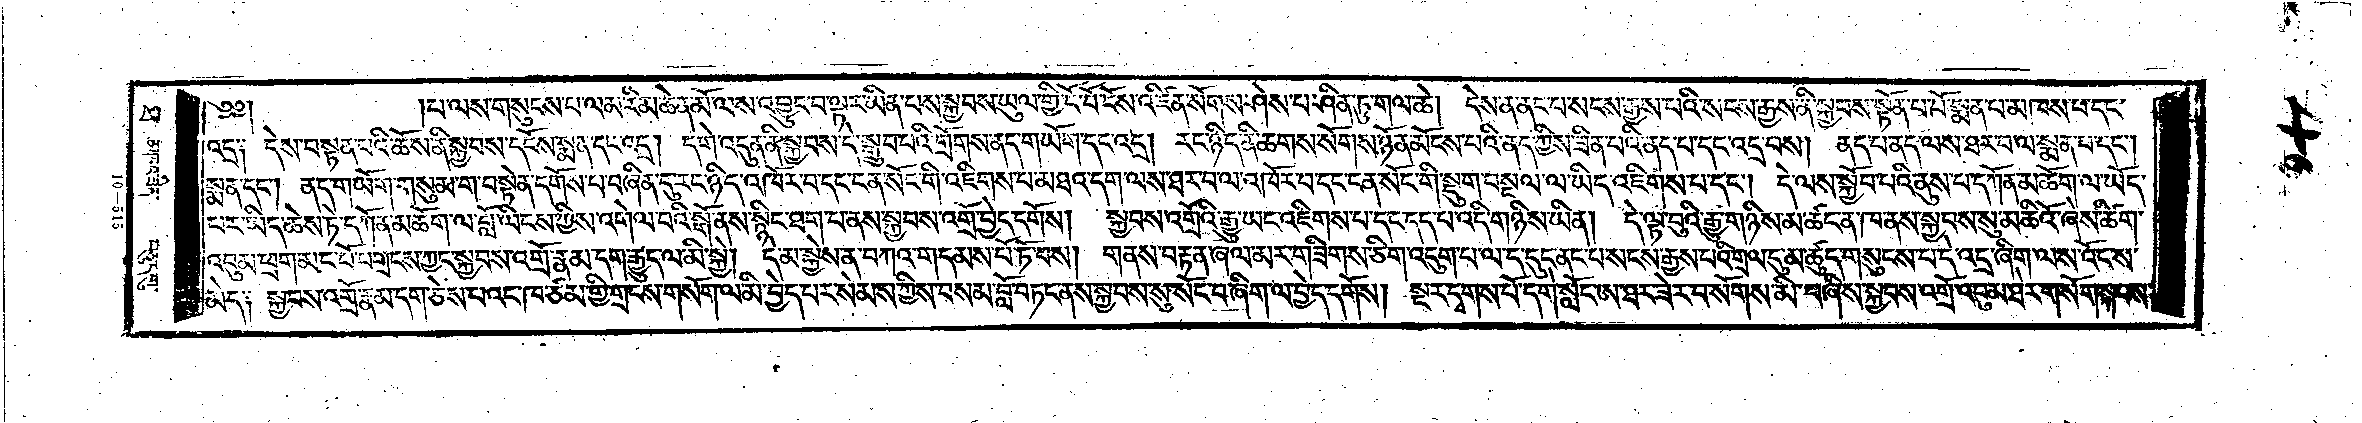༄༅། །པ་ལས་གསུངས་པ་ལམ་རིམ་ཆེན་མོ་ལས་འབྱུང་བ་ལྟར་ཡིན་པས་སྐྱབས་ཡུལ་གྱི་ངོ་བོ་ངོས་འཛིན་སོགས་ཤེས་པ་ཤིན་ཏུ་གལ་ཆེ། དེས་ན་ནང་པ་སངས་རྒྱས་པའི་སངས་རྒྱས་ནི་སྐྱབས་སྟོན་པ་པོ་སྨན་པ་མཁས་པ་དང་
འདྲ༑ དེས་བསྟན་པའི་ཆོས་ནི་སྐྱབས་དངོས་སྨན་དང་འདྲ། དགེ་འདུན་ནི་སྐྱབས་དེ་སྒྲུབ་པའི་གྲོགས་ནད་གཡོག་དང་འདྲ། རང་ཉིད་ནི་ཆགས་སོགས་ཉོན་མོངས་པའི་ནད་ཀྱིས་ཟིན་པའི་ནད་པ་དང་འདྲ་བས། ནད་པ་ནད་ལས་ཐར་པ་ལ་སྨན་པ་དང་།
སྨན་དང་། ནད་གཡོག་གསུམ་ག་བསྟེན་དགོས་པ་བཞིན་དུ་རང་ཉིད་འཁོར་བ་དང་ངན་སོང་གི་འཇིགས་པ་མཐའ་དག་ལས་ཐར་བ་ལ་འཁོར་བ་དང་ངན་སོང་གི་སྡུག་བསྔལ་ལ་ཡིད་འཇིགས་པ་དང་། དེ་ལས་སྐྱོབ་པའི་ནུས་པ་དཀོན་མཆོག་ལ་ཡོད་
པར་ཡིད་ཆེས་ཏེ་དཀོན་མཆོག་ལ་བློ་ལིངས་ཀྱིས་འགེལ་བའི་སྒོ་ནས་སྙིང་ཐག་པ་ནས་སྐྱབས་འགྲོ་བྱེད་དགོས། སྐྱབས་འགྲོའི་རྒྱུ་ཡང་འཇིགས་པ་དང་དད་པ་འདི་གཉིས་ཡིན། དེ་ལྟ་བུའི་རྒྱུ་གཉིས་མ་ཚང་ན་ཁ་ནས་སྐྱབས་སུ་མཆིའོ་ཞེས་ཚིག་
འབུམ་ཕྲག་མང་པོ་བགྲངས་ཀྱང་སྐྱབས་འགྲོ་རྣམ་དག་རྒྱུད་ལ་མི་སྐྱེ། དེ་མ་སྐྱེས་ན་བཀའ་གདམས་པོ་ཏོ་བས། གནས་བརྟན་ཞལ་མར་གཟིགས་ཅིག་འདུག་པ་ལ་ད་དུང་ནང་པ་སངས་རྒྱས་པའི་གྲལ་དུ་མ་ཚུད་གསུངས་པ་དེ་འདྲ་ཞིག་ལས་འོང་ས་
མེད༑ སྐྱབས་འགྲོ་རྣམ་དག་ཅེས་པའང་ཁ་ཙམ་གྱི་གྲངས་གསོག་ལ་མི་བྱེད་པར་སེམས་ཀྱིས་བསམ་བློ་བཏང་ནས་སྐྱབས་སུ་སོང་བ་ཞིག་ལ་བྱེད་དགོས། སྔར་དྭགས་པོ་དགེ་སློང་ཨ་ཐར་ཟེར་བ་སོགས་མི་བཞིས་སྐྱབས་འགྲོ་འབུམ་ཐེར་གསོག་སྐབས་